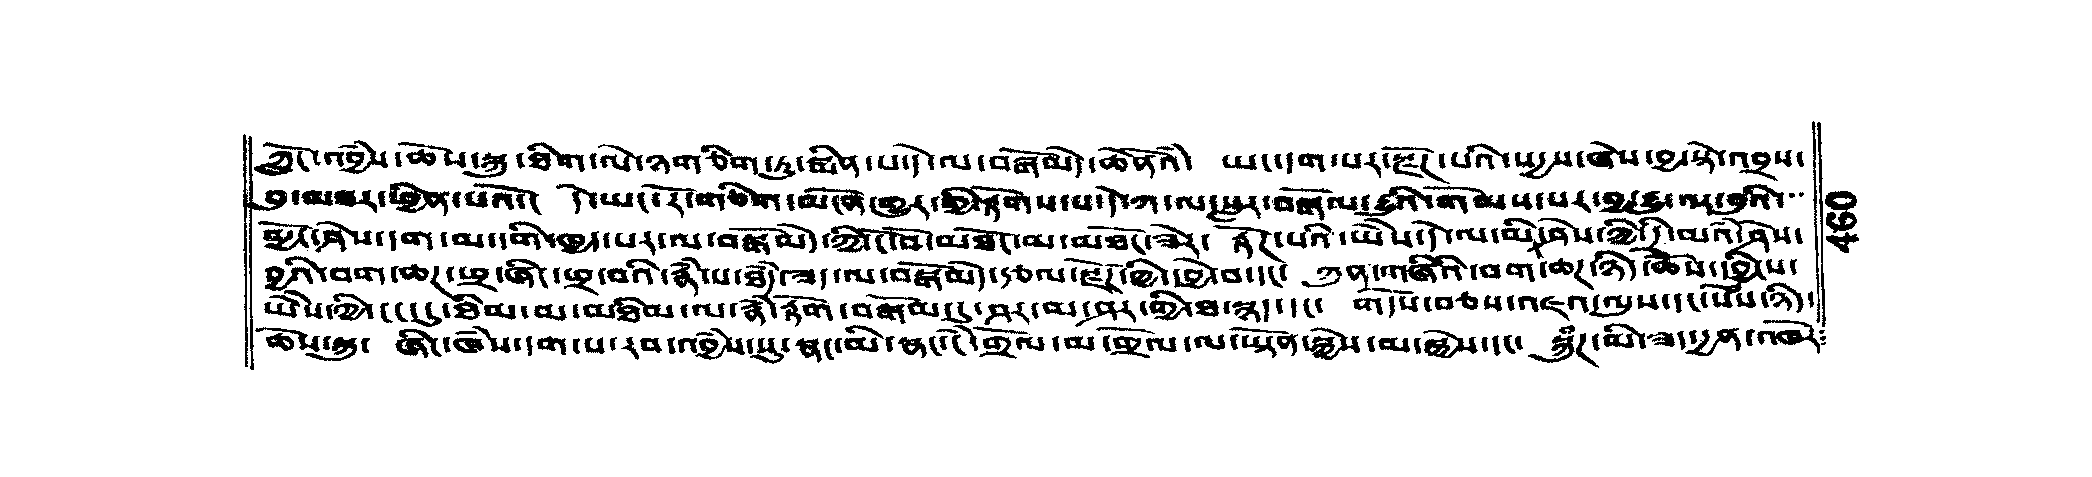ཀློང་འབྱམས་ཆོས་སྐུ་ཐིག་ལེ་ཉག་གཅིག་ཏུ་སྨིན་པ་དེ་ལ་བསྒོམ་མེད་ཆེན་པོའམ། ཡང་དག་པར་རྫོགས་པའི་སངས་རྒྱས་ཞེས་བྱ་སྟེ་འབྲས་
བུ་མཐར་ཕྱིན་པའོ། དེ་ཡང་རོ་གཅིག་མངོན་གྱུར་གྱི་རྟོགས་པ་དེ་ཀ་ལ་སླར་བསྒོམ་རྒྱུའི་གོམས་པར་བྱ་རྒྱུ་ལྟ་བུའི་
མྱོང་ཤེས་དག་མ་དག་གི་ཁྱད་པར་ལ་བསྒོམ་མེད་ཀྱི་ངོ་བོ་མཐོང་མ་མཐོང་ཟེར། རྟོགས་པའི་ཡེ་ཤེས་དེ་ལ་མི་ཤེས་ཀྱི་དྲི་མའམ་ཤེས་
བྱའི་བག་ཆགས་ཕྲ་ཞིང་ཕྲ་བའི་རྣམ་པ་ཐམས་ཅད་ཟད་ལ་བསྒོམ་མེད་རྩལ་རྫོགས་ཀྱི་དབྱེ་བ་དང་།ཀུན་གཞིའི་བག་ཆགས་ཉིད་ཆོས་དབྱིངས་
ཡེ་ཤེས་ཀྱི་ངང་དུ་ཐིམ་མ་ཐིམ་ལ་རྣམ་རྟོག་བསྒོམ་དུ་ཤར་མ་ཤར་གྱི་ཐ་སྙད་དང་། གདོས་བཅས་འཇའ་ལུས་དང་སེམས་ཉིད་
ཆོས་སྐུ། ཞིང་ཁམས་དག་པ་རབ་འབྱམས་སུ་སྣང་མི་སྣང་ངམ་གྲོལ་མ་གྲོལ་ལ་ཡོན་ཏན་སྐྱེས་མ་སྐྱེས་དང་། སྐུ་གསུང་ཐུགས་མི་ཟད་རྒྱན་འཁོར་